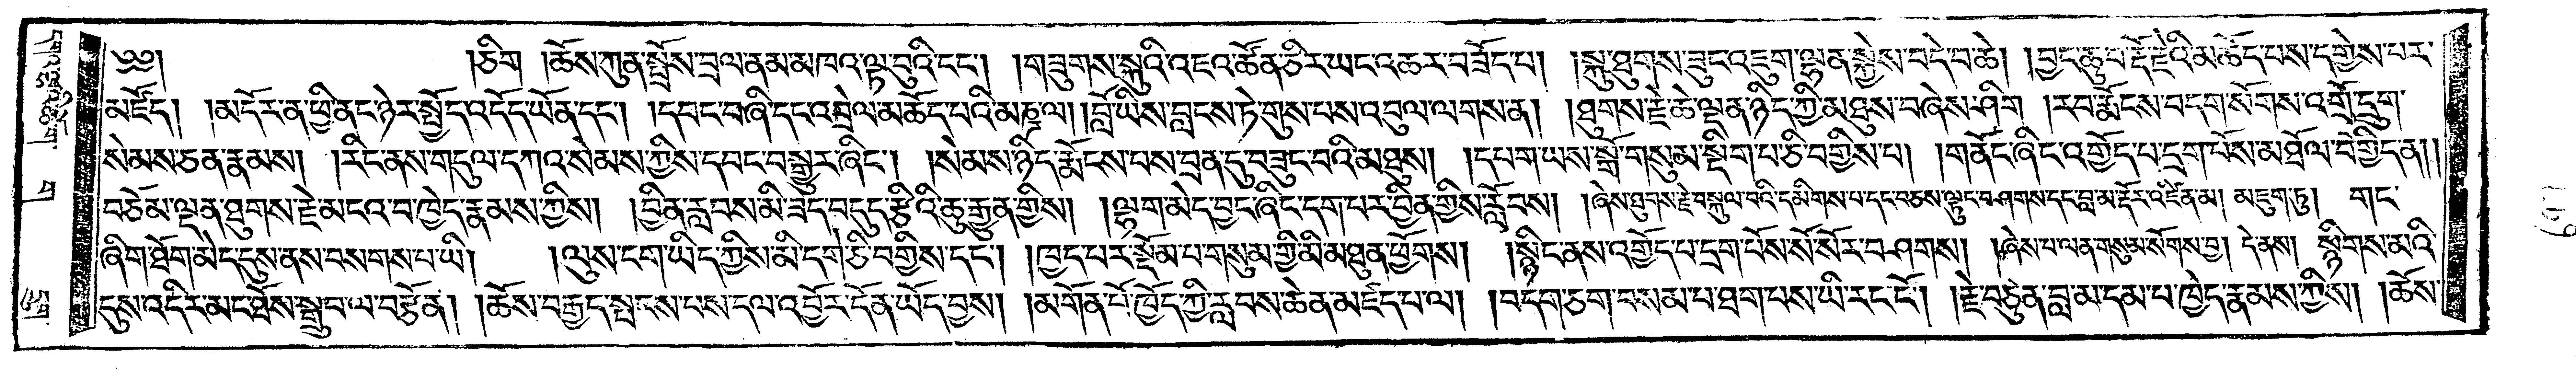༄༅། །ཅིག །ཆོས་ཀུན་སྤྲོས་བྲལ་ནམ་མཁའ་ལྟ་བུའི་དང་། །གཟུགས་སྐུའི་འཇའ་ཚོན་ཅིར་ཡང་འཆར་བཟོད་པ། །སྐུ་ཐུགས་ཟུང་འཇུག་ལྷན་སྐྱེས་བདེ་བ་ཆེ། །བྱང་ཆུབ་རྡོ་རྗེའི་མཆོད་པས་དགྱེས་པར་
མཛོད། །མདོར་ན་ཕྱི་ནང་ཉེར་སྤྱོང་འདོད་ཡོན་དང་། །དབང་བཞི་དང་འབྲེལ་མཆོད་པའི་མཎྜལ། །བློ་ཡིས་བླངས་ཏེ་གུས་པས་འབུལ་ལགས་ན། །ཐུགས་རྗེ་ཆེ་ལྡན་ཉིད་ཀྱི་མཐུས་བཞེས་ཤིག །རབ་རྨོངས་བདག་སོགས་འགྲོ་དྲུག་
སེམས་ཅན་རྣམས། །རིང་ནས་གདུལ་དཀའ་སེམས་ཀྱིས་དབང་བསྒྱུར་ཞིང་། །སེམས་ཉིད་རྨོངས་པས་བྲན་དུ་བཟུང་བའི་མཐུས། །དཔག་ཡས་སྒོ་གསུམ་སྡིག་པ་ཅི་བགྱིས་པ། །གནོང་ཞིང་འགྱོད་པ་དྲག་པོས་མཐོལ་བགྱིད་ན།།
བཙམ་ལྡན་ཐུགས་རྗེ་མངའ་བ་ཁྱེད་རྣམས་ཀྱིས། །བྱིན་རླབས་མི་ཟད་བདུད་རྩིའི་ཆུ་རྒྱུན་གྱིས། །ལྷག་མེད་བྱང་ཞིང་དག་པར་བྱིན་གྱིས་རློབས། །ཞེས་ཐུགས་རྗེ་བསྐུལ་བའི་དམིགས་བ་དང་བཅས་ལྟུང་བཤགས་དང་བླ་མ་རྡོར་འཛིན་མ། མཇུག་ཏུ།  གང་
ཞིག་ཐོག་མེད་དུས་ནས་བསགས་པ་ཡི། །ལུས་ངག་ཡིད་ཀྱིས་མི་དགེ་ཅི་བགྱིས་དང་། །ཁྱད་པར་སྡོམ་པ་གསུམ་གྱི་མི་མཐུན་ཕྱོགས། །སྙིང་ནས་འགྱོད་པ་དྲག་པོས་སོ་སོར་བཤགས། །ཞེས་བ་ལན་གསུམ་སོགས་བྱ། དེ་ནས།  སྙིགས་མའི་
དུས་འདར་མང་ཐོས་སྒྲུབ་ལ་བརྩོན། །ཆོས་བརྒྱད་སྤངས་པས་དལ་འབྱོར་དོན་ཡོད་བྱས། །མགོན་པོ་ཁྱོད་ཀྱི་རླབས་ཆེན་མཛད་པ་ལ། །བདག་ཅག་བསམ་པ་ཐག་པས་ཡི་རང་ངོ། །རྗེ་བཙུན་བླ་མ་དམ་པ་ཁྱེད་རྣམས་ཀྱིས། །ཆོས་